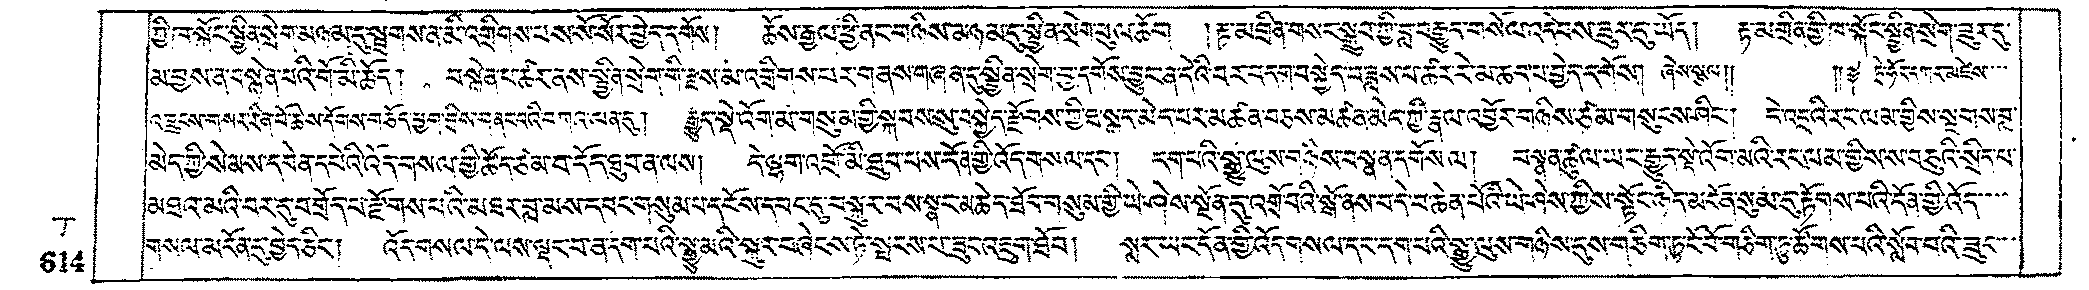ཀྱི་ཁ་སྐོང་སྦྱིན་སྲེག་མཉམ་དུ་སྦྲགས་ན་མི་འགྲིགས་པས་སོ་སོར་བྱེད་དགོས། ཆོས་རྒྱལ་ཕྱི་ནང་གཉིས་མཉམ་དུ་སྦྱིན་སྲེག་ཕུལ་ཆོག །རྟ་མགྲིན་གསང་སྒྲུབ་ཀྱི་བླ་བརྒྱུད་གསོལ་འདེབས་ཟུར་དུ་ཡོད། རྟ་མགྲིན་གྱི་ཁ་སྐོང་སྦྱིན་སྲེག་ཟུར་དུ་
མ་བྱས་ན་བསྙེན་པའི་གོ་མི་ཆོད། བསྙེན་པ་ཚར་ནས་སྦྱིན་སྲེག་གི་རྫས་མ་འགྲིགས་པར་གནས་གཞན་དུ་སྦྱིན་སྲེག་བྱ་དགོས་བྱུང་ན་དེའི་བར་བདག་བསྐྱེད་བཟླས་པ་ཚར་རེ་མ་ཆད་པ་བྱེད་དགོས། ཞེས་སྩལ།། །། འ་ཏྲེ་ཧོར་དཀར་མཛེས་་་
འཁྲུངས་གསར་རིན་པོ་ཆེས་དོགས་གཅོད་ཕྱག་བྲིས་གནང་བའི་བཀའ་ལན་དུ། རྒྱུད་སྡེ་འོག་མ་གསུམ་གྱི་སྐབས་སུ་བསྐྱེད་རྫོགས་ཀྱི་ཐ་སྙད་མེད་པར་མཚན་བཅས་མཚན་མེད་ཀྱི་རྣལ་འབྱོར་གཉིས་ཙམ་གསུངས་ཤིང་། དེ་འདྲའི་རང་ལམ་གྱིས་སྔགས་བླ་
མེད་ཀྱི་སེམས་དབེན་དཔེའི་འོད་གསལ་གྱི་ཚོད་ཙམ་བ་དོད་ཐུབ་ན་ལས། དེ་ལྷག་འགྲོ་མི་ཐུབ་པས་དོན་གྱི་འོད་གསལ་དང་། དག་པའི་སྒྱུ་ལུས་གཉིས་བསྣན་དགོས་ལ། བསྣན་ཚུལ་ཡང་རྒྱུད་སྡེ་འོག་མའི་ལམ་གྱིས་ས་བཅུའི་སྲིད་པ་
མཐའ་མའི་བར་དུ་བསྒྲོད་པ་རྫོགས་པའི་མཐར་བླ་མས་དབང་གསུམ་པ་དངོས་དབང་དུ་བསྐུར་བས་སྣང་མཆེད་ཐོབ་གསུམ་གྱི་ཡེ་ཤེས་སྔོན་དུ་འགྲོ་བའི་སྒོ་ནས་བདེ་བ་ཆེན་པོའི་ཡེ་ཤེས་ཀྱིས་སྟོང་ཉིད་མངོན་སུམ་དུ་རྟོགས་པའི་དོན་གྱི་འོད་་་
གསལ་མངོན་དུ་བྱེད་ཅིང་། འོད་གསལ་དེ་ལས་ལྡང་བ་ན་དག་པའི་སྒྱུ་མའི་སྐུར་བཞེངས་ཏེ་སྤངས་པ་ཟུང་འཇུག་ཐོབ། སླར་ཡང་དོན་གྱི་འོད་གསལ་དང་དག་པའི་སྒྱུ་ལུས་གཉིས་དུས་གཅིག་ཏུ་ངོ་བོ་གཅིག་ཏུ་ཚོགས་པའི་སློབ་པའི་ཟུང་་་